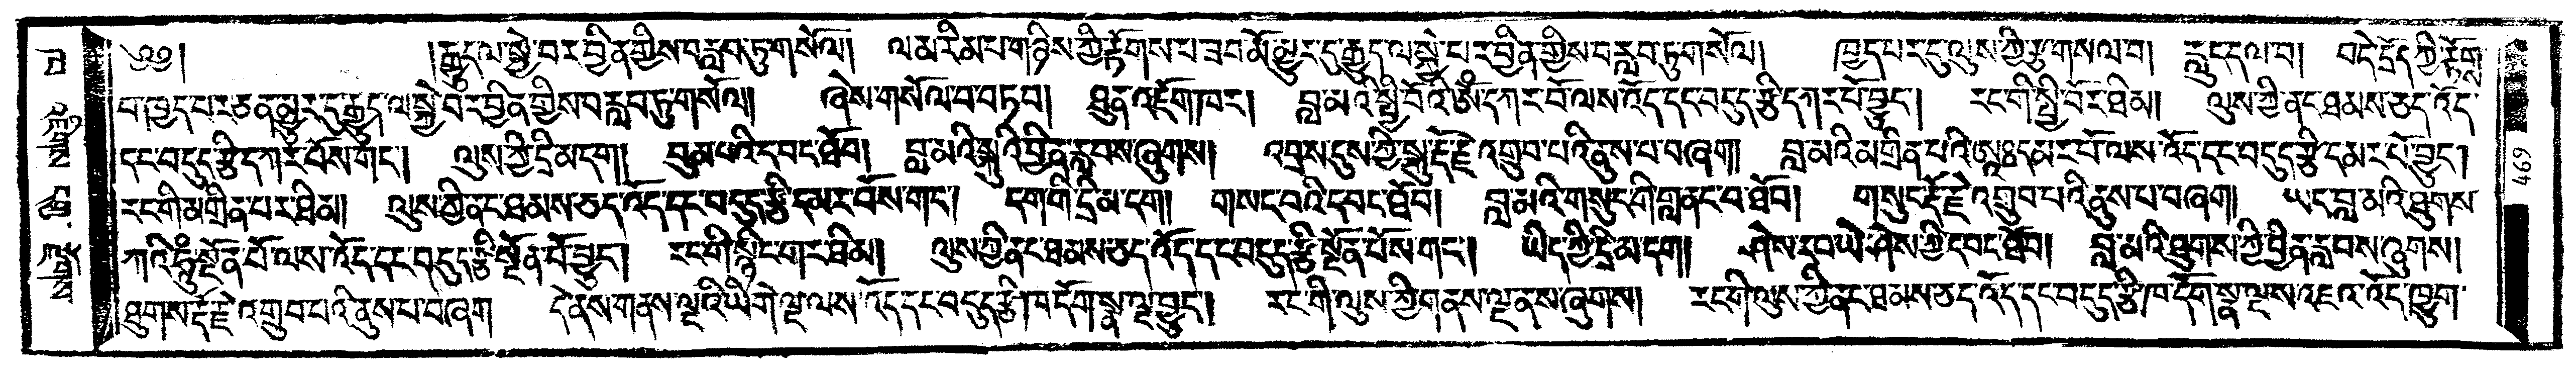༄༅། །རྒྱུད་ལ་སྐྱེ་བར་བྱིན་གྱིས་བརླབ་ཏུ་གསོལ། ལམ་རིམ་པ་གཉིས་ཀྱི་རྟོགས་པ་ཟབ་མོ་མྱུར་དུ་རྒྱུད་ལ་སྐྱེ་པར་བྱིན་གྱིས་བརླབ་ཏུ་གསོལ། ཁྱད་པར་དུ་ལུས་ཀྱི་རྩ་གསལ་བ། རླུང་དལ་བ། བདེ་དྲོད་ཀྱི་རྟོགས་
བ་ཁྱད་པར་ཅན་མྱུར་དུ་རྒྱུད་ལ་སྐྱེ་བར་བྱིན་གྱིས་བརླབ་ཏུ་གསོལ། ཞེས་གསོལ་བ་བཏབ། ཐུན་འཇོག་ཁར། བླ་མའི་སྤྱི་བོའི་ཨོཾ་དཀར་པོ་ལས་འོད་དང་བདུད་རྩི་དཀར་པོ་བྱུང་། རང་གི་སྤྱི་བོར་ཐིམ། ལུས་ཀྱི་ནང་ཐམས་ཅད་འོད་
དང་བདུད་རྩི་དཀར་པོས་གང་། ལུས་ཀྱི་དྲི་མ་དག། བུམ་པའི་དབང་ཐོབ། བླ་མའི་སྐུའི་བྱིན་རླབས་ཞུགས། འབྲས་དུས་ཀྱི་སྐུ་རྡོ་རྗེ་འགྲུབ་པའི་ནུས་པ་བཞག། བླ་མའི་མགྲིན་པའི་ཨཱཿདམར་པོ་ལས་འོད་དང་བདུད་རྩི་དམར་པོ་བྱུང་།
རང་གི་མགྲིན་པར་ཐིམ། ལུས་ཀྱི་ནང་ཐམས་ཅད་འོད་དང་བདུད་རྩི་དམར་བོས་གང་། ངག་གི་དྲི་མ་དག། གསང་བའི་དབང་ཐོབ། བླ་མའི་གསུང་གི་གླ་ནང་བ་ཐོབ། གསུང་རྡོ་རྗེ་འགྲུབ་པའི་ནུས་པ་བཞག། ཡང་བླ་མའི་ཐུགས་
ཀའི་ཧཱུཾ་སྔོན་པོ་ལས་འོད་དང་བདུད་རྩི་སྔོན་པོ་བྱུང་། རང་གི་སྙིང་གར་ཐིམ། ལུས་ཀྱི་ནང་ཐམས་ཅད་འོད་དང་བདུད་རྩི་སྔོན་པོས་གང་། ཡིད་ཀྱི་དྲི་མ་དག། ཤེས་རབ་ཡེ་ཤེས་ཀྱི་དབང་ཐོབ། བླ་མའི་ཐུགས་ཀྱི་བྱིན་རླབས་ཞུགས།
ཐུགས་རྡོ་རྗེ་འགྲུབ་པའི་ནུས་པ་བཞག། དེ་ནས་གནས་ལྔའི་ཡི་གེ་ལྔ་ལས་འོད་དང་བདུད་རྩི་ཁ་དོག་སྣ་ལྔ་བྱུང་། རང་གི་ལུས་ཀྱི་གནས་ལྔ་ནས་ཞུགས། རང་གི་ལུས་ཀྱི་ནང་ཐམས་ཅད་འོད་དང་བདུད་རྩི་ཁ་དོག་སྣ་ལྔས་འཇའ་འོད་ཁྱུག་